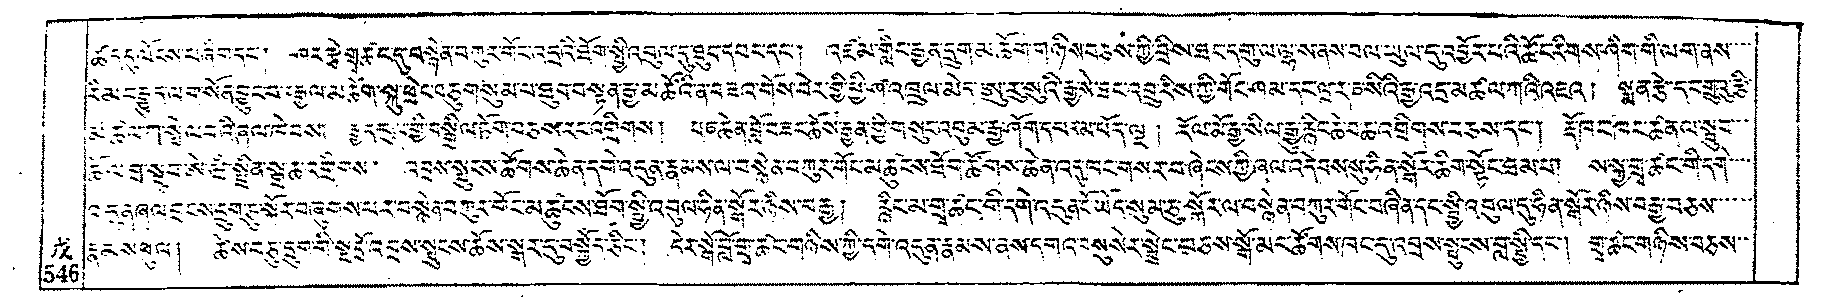ཚད་དུ་ལོངས་པ་ཞིག་དང་། ཤར་རྩེ་གྲྭ་ཚང་དུ་བསྙེན་བཀུར་གོང་འདྲའི་ཐོག་སྤྱི་འབུལ་དུ་ཐུབ་དབང་དང་། འཛམ་གླིང་རྒྱན་དྲུག་མཆོག་གཉིས་བཅས་ཀྱི་བྲིས་ཐང་དགུ་ལ་ལྷ་ས་ནས་བལ་ཡུལ་དུ་འབྱོར་པའི་ཚོང་རིགས་ཤིག་གི་ལག་ནས་
རིམ་བརྒྱུད་ལག་སོན་བྱུང་བ་༧རྒྱལ་མཆོག་སྐུ་ཕྲེང་བཅུ་གསུམ་པ་ཐུབ་བསྟན་རྒྱ་མཚོའི་ན་བཟའ་གོས་བེར་གྱི་ཕྱི་ཤ་འཁྲུལ་མེད་ཨུ་རུ་སུའི་རྒྱ་སེ་ཐང་འབྲུ་རིས་ཀྱི་གོང་ཤམ་དང་ཝ་ར་ཎ་སིའི་རྒྱ་འདྲ་མཚལ་ཀའི་འཇའ། སྨན་རྩེ་དང་གྲུའུ་རྩི་
མཚལ་ཀ་སྤེལ་བའི་ཞལ་ཁེབས། རྒྱ་དངུལ་གྱི་བསྒྲིལ་ཏོག་བཅས་རང་འགྲིགས། པཎ་ཆེན་བློ་བཟང་ཆོས་རྒྱན་གྱི་གསུང་འབུམ་རྒྱ་ཤོག་དཔར་མ་པོད་ལྔ། རོལ་མོ་རྒྱ་སིལ་རྒྱུ་རྙིང་ཆེ་བ་ཆ་འགྲིགས་བཅས་དང་། རྡོ་ཁང་ཁང་ཚན་ལ་སྦུབ་
ཆོལ་གྲ་སྦུབ་ཨེ་ཝཾ་སྤྲིན་སྒྲ་ཆ་འགྲིགས། འབྲས་སྤུངས་ཚོགས་ཆེན་དགེ་འདུན་རྣམས་ལ་བསྙེན་བཀུར་གོང་མཚུངས་ཐོག་ཚོགས་ཆེན་འདུ་ཁང་གསར་བཞེངས་ཀྱི་ཞལ་འདེབས་སུ་ཧིན་སྒོར་ཆིག་སྟོང་ཐམ་པ། ས་སྐྱ་གྲྭ་ཚང་གི་དགེ་
འདུན་ཞལ་གྲངས་དྲུག་ཅུ་སྐོར་བཞུགས་པར་བསྙེན་བཀུར་གོང་མཚུངས་ཐོག་སྤྱི་འབུལ་ཧིན་སྒོར་ཉིས་བརྒྱ། རྙིང་མ་གྲྭ་ཚང་གི་དགེ་འདུན་ངོ་ཡོད་སུམ་ཅུ་སྐོར་ལ་བསྙེན་བཀུར་གོང་བཞིན་དང་སྤྱི་འབུལ་དུ་ཧིན་སྒོར་ཉིས་བརྒྱ་བཅས་
རྣམས་ཕུལ། ཚེས་བཅུ་དྲུག་གི་སྔ་དྲོ་འབྲས་སྤུངས་ཆོས་སྒར་དུ་བསྐྱོད་ཅིང་། དེར་སྒོ་བློ་གྲྭ་ཚང་གཉིས་ཀྱི་དགེ་འདུན་རྣམས་ནས་དགའ་བསུ་སེར་སྤྲེང་བཅས་སྒོ་མང་ཚོགས་ཁང་དུ་འབྲས་སྤུངས་བླ་སྤྱི་དང་། གྲྭ་ཚང་གཉིས་བཅས་